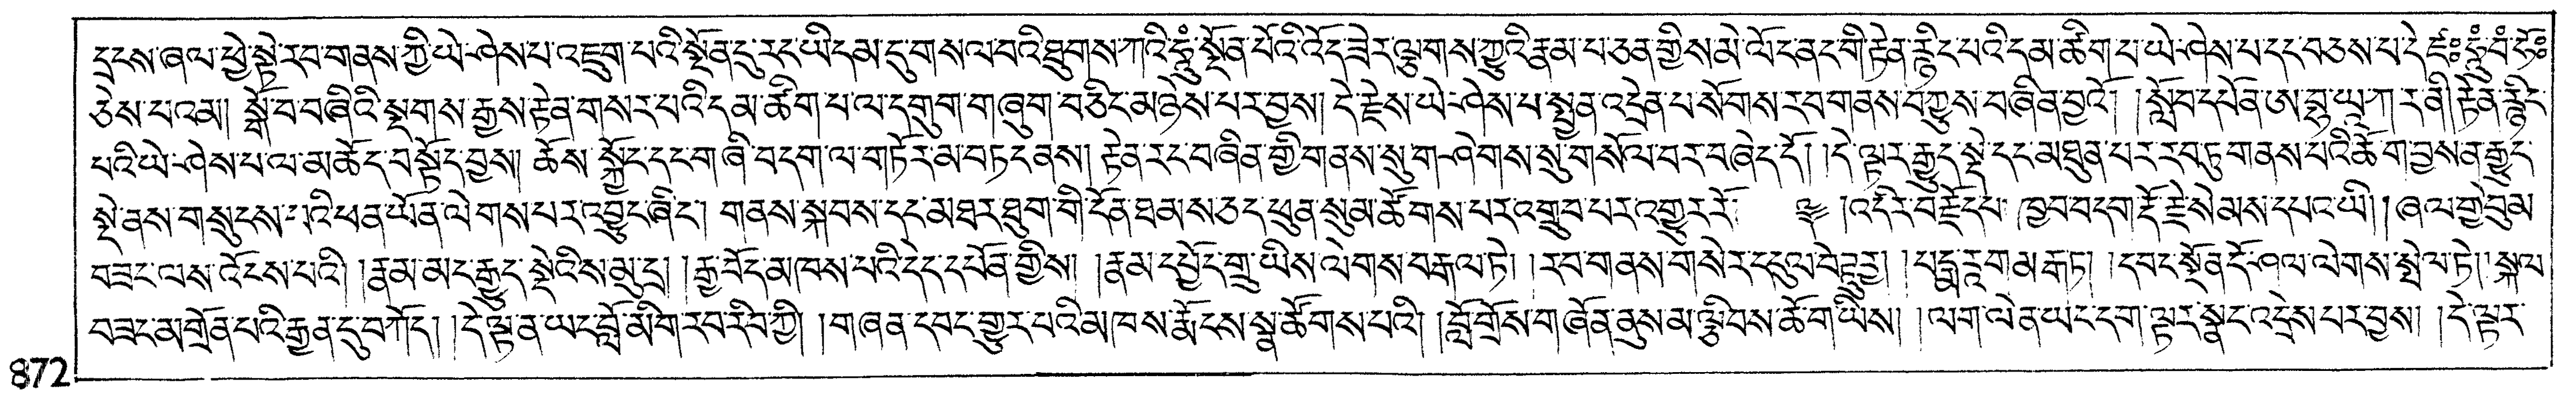དྲངས་ཞལ་ཕྱེ་སྟེ་རབ་གནས་ཀྱི་ཡེ་ཤེས་པ་འཇུག་པའི་སྔོན་དུ་རང་ཡི་དམ་དུ་གསལ་བའི་ཐུགས་ཀའི་ཧཱུཾ་སྔོན་པོའི་འོད་ཟེར་ལྕགས་ཀྱུའི་རྣམ་པ་ཅན་གྱིས་མེ་ལོང་ནང་གི་རྟེན་རྙིང་པའི་དམ་ཚིག་པ་ཡེ་ཤེས་པ་དང་བཅས་པ་དེ་ཛཿ ཧཱུཾ་བཾ་ཧོཿ
ཅེས་པའམ། སྒོ་བ་བཞིའི་སྔགས་རྒྱས་རྟེན་གསར་པའི་དམ་ཚིག་པ་ལ་དགུག་གཞུག་བཅིང་མཉེས་པར་བྱས། དེ་རྗེས་ཡེ་ཤེས་པ་སྤྱན་འདྲེན་པ་སོགས་རབ་གནས་བཀྱུས་བཞིན་བྱའོ། །སློབ་དཔོན་ཨ་བྷ་ཡཱ་ཀ་ར་ནི། རྟེན་རྙིང་
པའི་ཡེ་ཤེས་པ་ལ་མཆོད་བསྟོད་བྱས། ཆོས་སྐྱོང་དང་གཞི་བདག་ལ་གཏོར་མ་བཏང་ནས། རྟེན་རང་བཞིན་གྱི་གནས་སུ་གཤེགས་སུ་གསོལ་བར་བཞེད་དོ། །དེ་ལྟར་རྒྱུད་སྡེ་དང་མཐུན་པར་རབ་ཏུ་གནས་པའི་ཆོ་ག་བྱས་ན་རྒྱུད་
སྡེ་ནས་གསུངས་པའི་ཕན་ཡོན་ལེགས་པར་འབྱུང་ཞིང་། གནས་སྐབས་དང་མཐར་ཐུག་གི་དོན་ཐམས་ཅད་ཕུན་སུམ་ཚོགས་པར་འགྲུབ་པར་འགྱུར་རོ། ༈ །འདིར་བརྗོད་པ། ཁྱབ་བདག་རྡོ་རྗེ་སེམས་དཔའ་ཡི། །ཞལ་གྱི་བུམ་
བཟང་ལས་འོངས་པའི། །རྣམ་མང་རྒྱུད་སྡེའི་ས་མུ་དྲ། །རྒྱ་བོད་མཁས་པའི་དེད་དཔོན་གྱིས། །རྣམ་དཔྱོད་གྲུ་ཡིས་ལེགས་བརྒལ་ཏེ། །རབ་གནས་གསེར་དངུལ་བེཌཱུརྱ། །པདམ་རཱག་མརྒ་ཏ། །དབང་སྔོན་དོ་ཤལ་ལེགས་སྤེལ་ཏེ། །སྐལ་
བཟང་མགྲོན་པའི་རྒྱན་དུ་བཀོད། །དེ་ལྟ་ན་ཡང་བློ་མིག་རབ་རིབ་ཀྱི། །གཞན་དབང་གྱུར་པའི་མཁས་རྨོངས་སྣ་ཚོགས་པའི། །བློ་གྲོས་གཞོན་ནུས་མ་ལྕིབས་ཆོ་ག་ཡིས། །ལག་ལེན་ཡང་དག་ལྟར་སྣང་འདྲེས་པར་བྱས། །དེ་ལྟར་